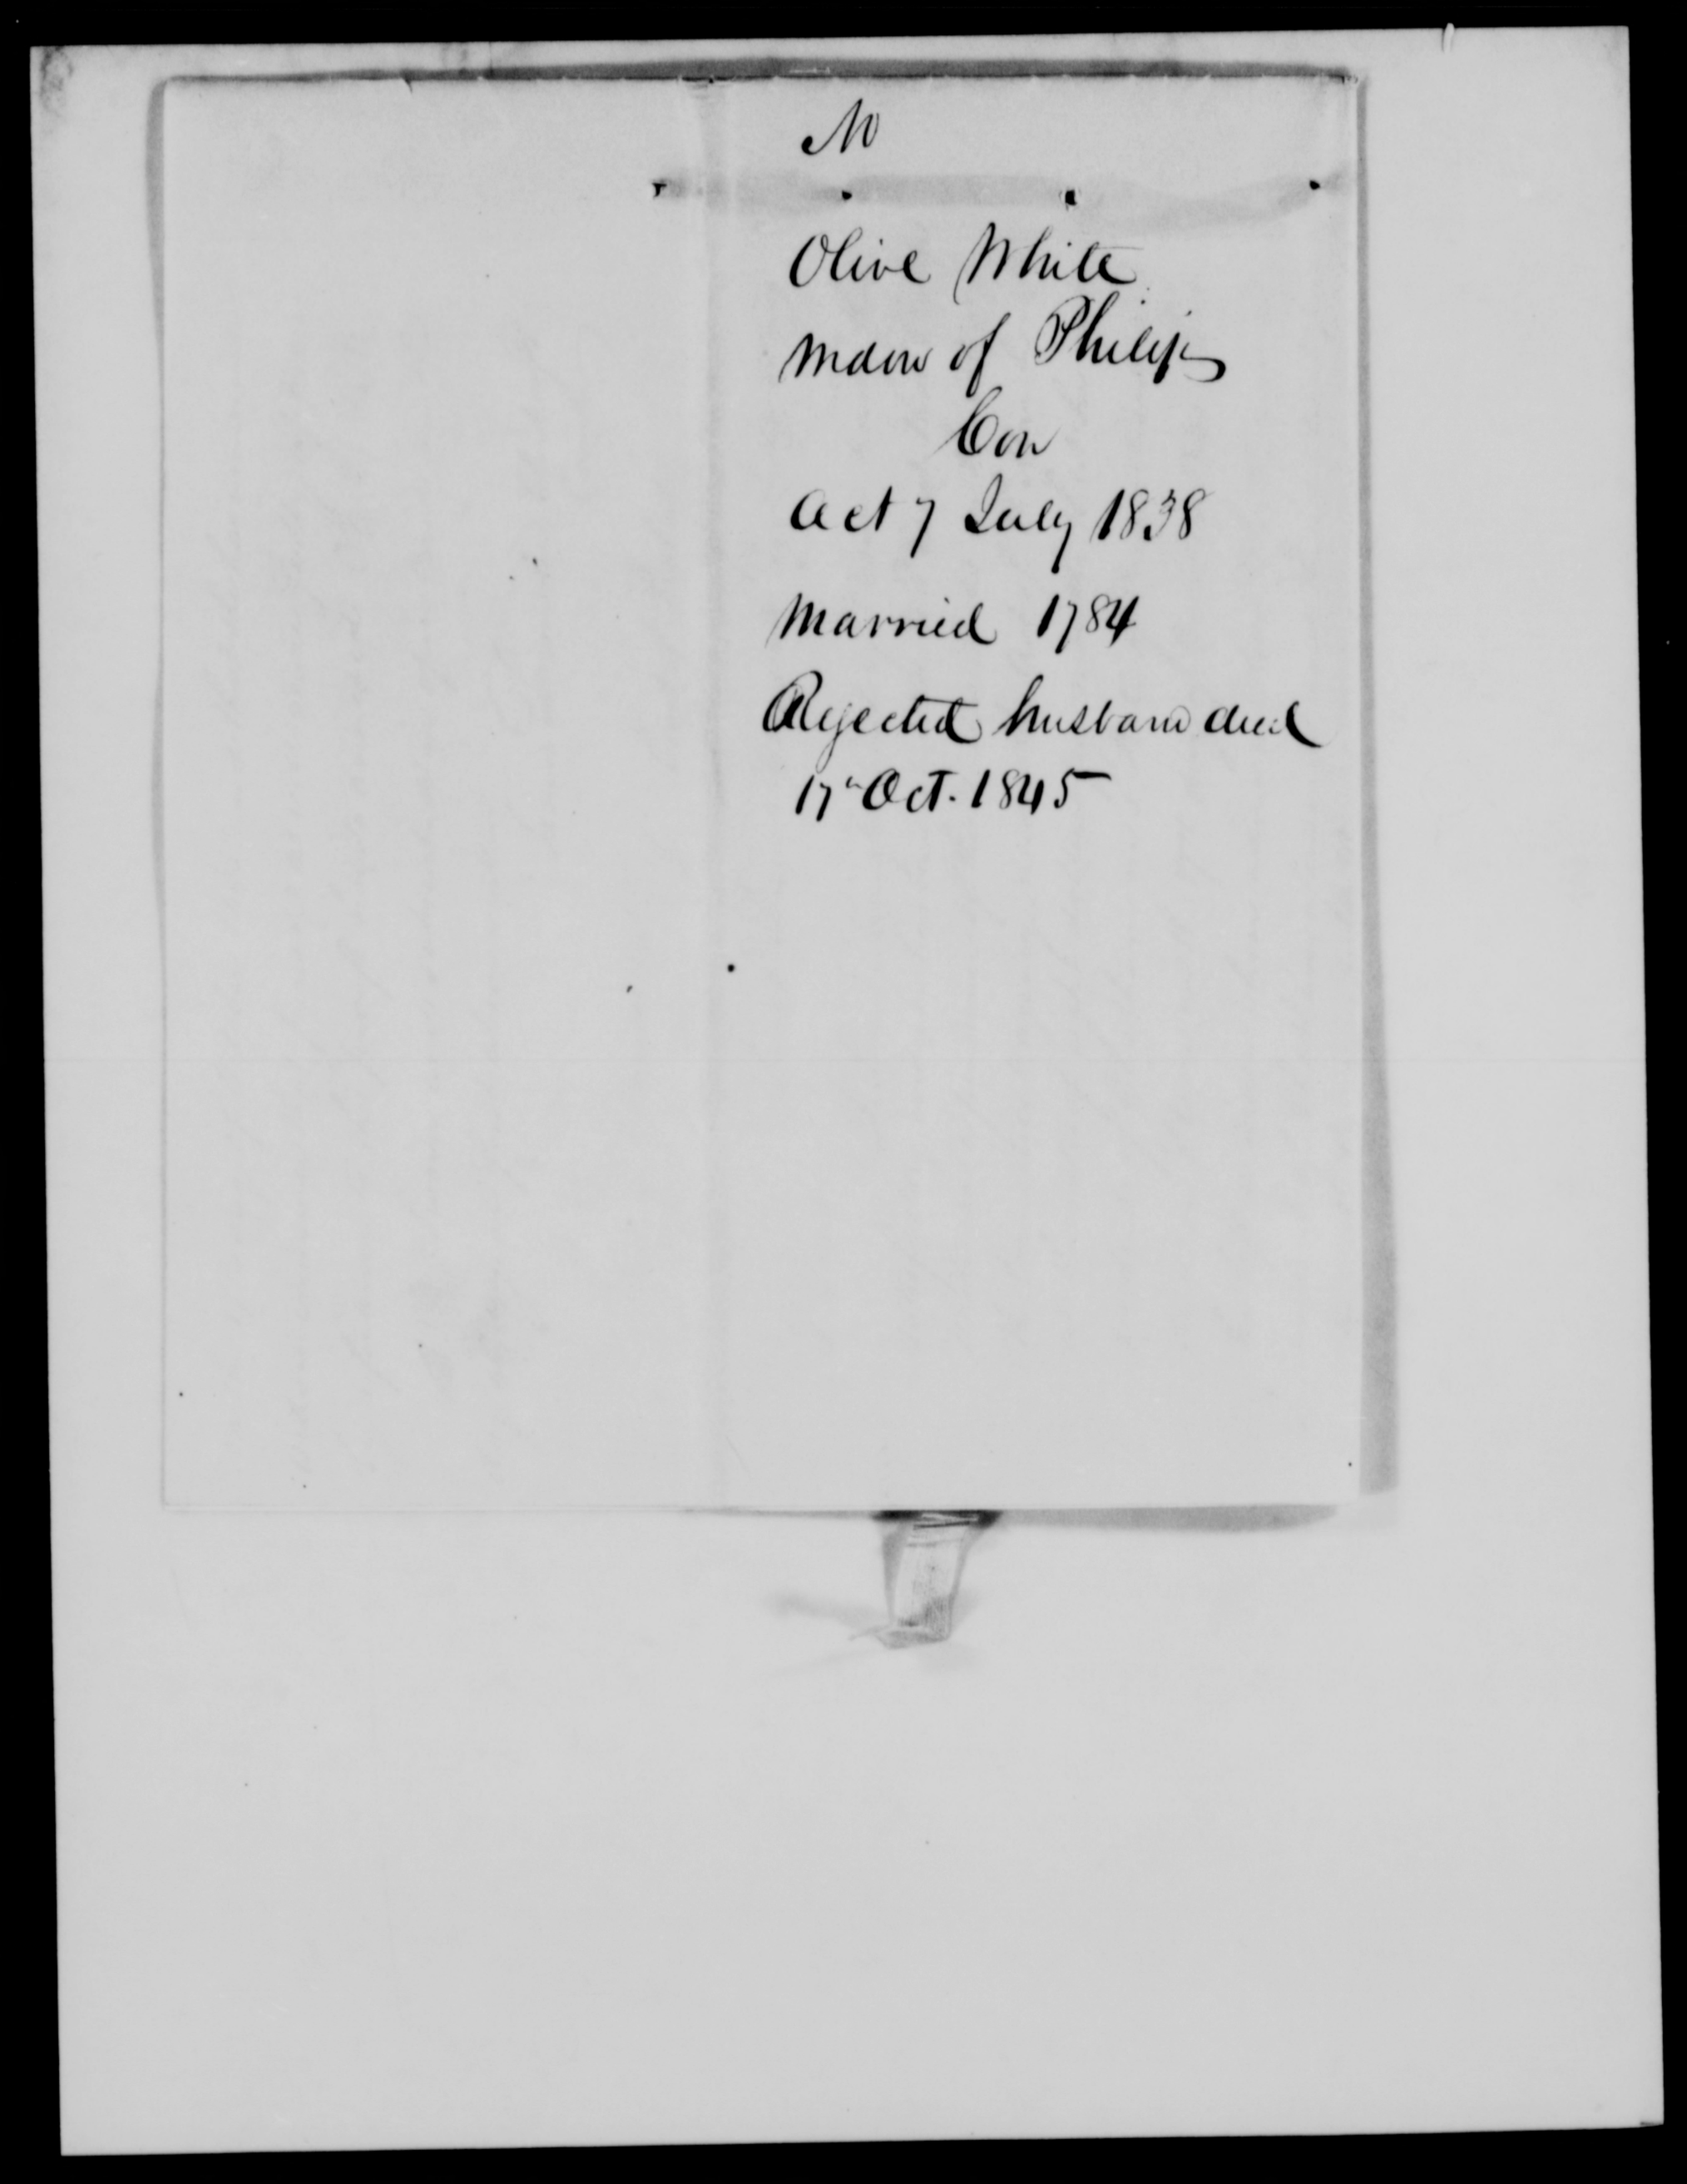No
Olive White
widow of Philip
Con
Act 7 July 1838
Married 1784
Rejected husband died
17th Oct. 1845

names: Olive White, Philip White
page: 16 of 50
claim: widow's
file: W. 25,969, Philip White, Conn.